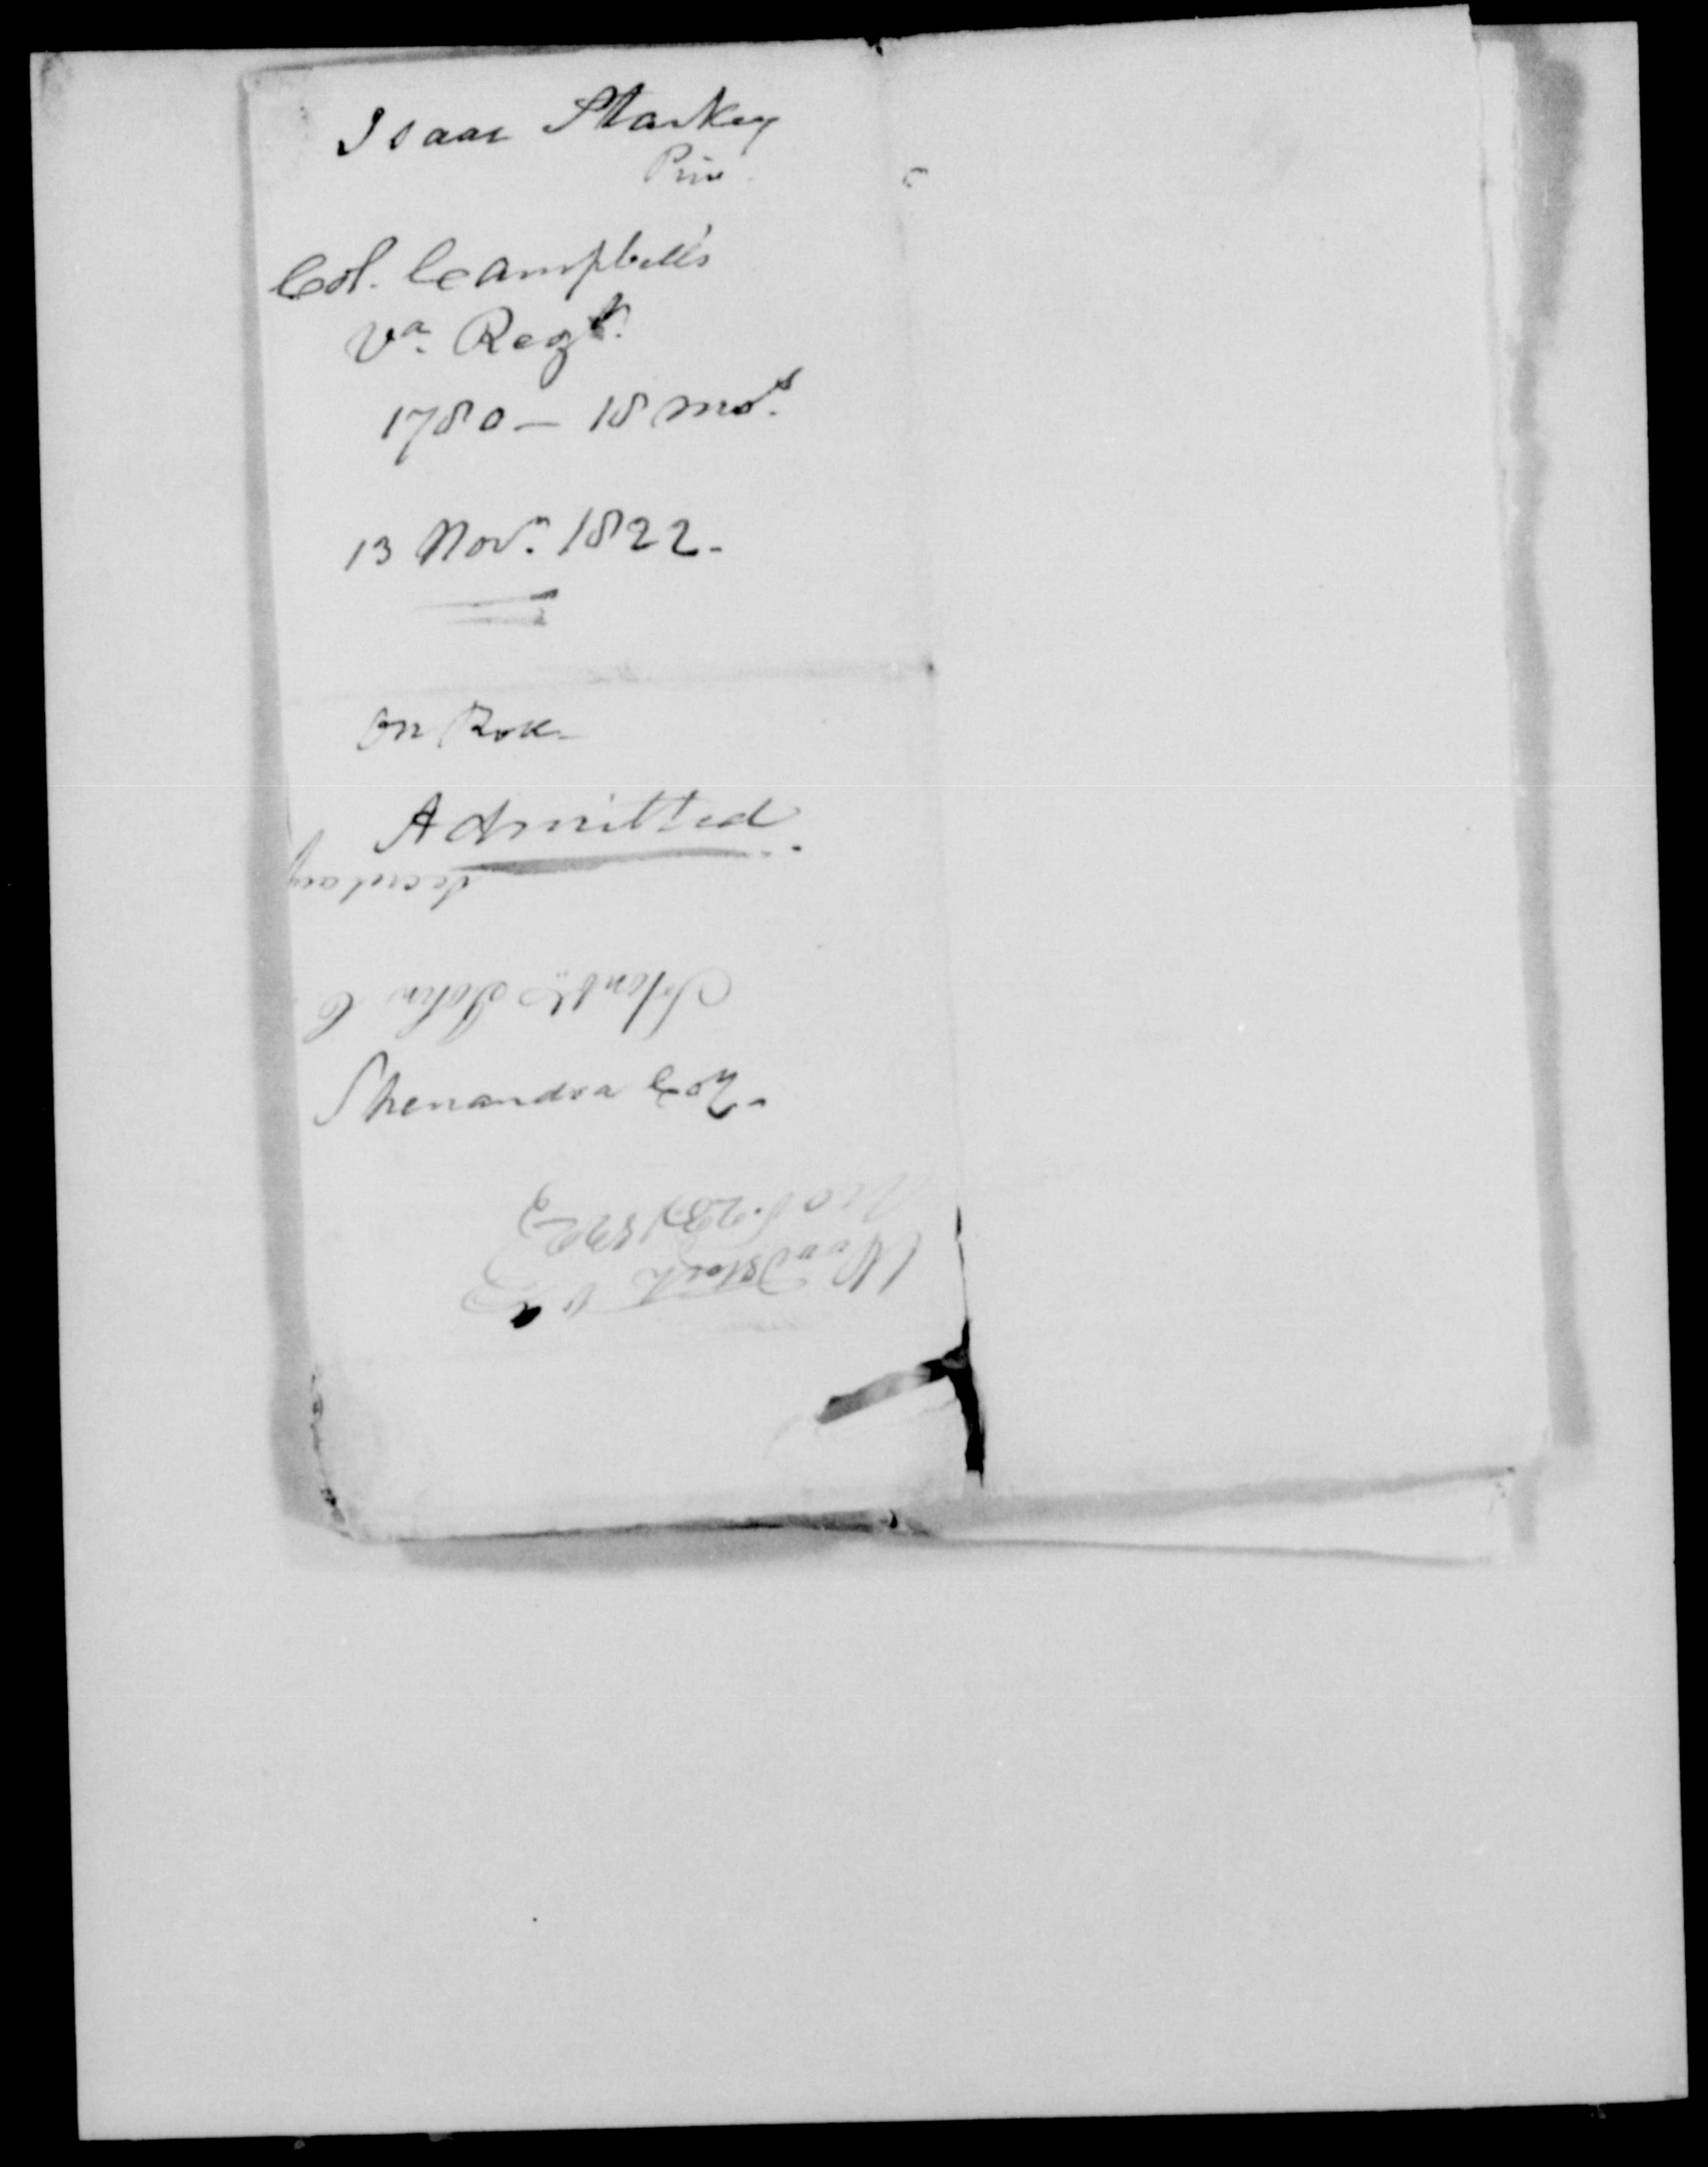Isaac Starkey
Col Campbell's Va Regiment
1780 18 months
13 Nov. 1822
On Roll
Admitted
...
Shenandoah County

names: Isaac Starkey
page: 3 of 14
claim: survivor's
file: S 40503, for Isaac Starkey, Virginia